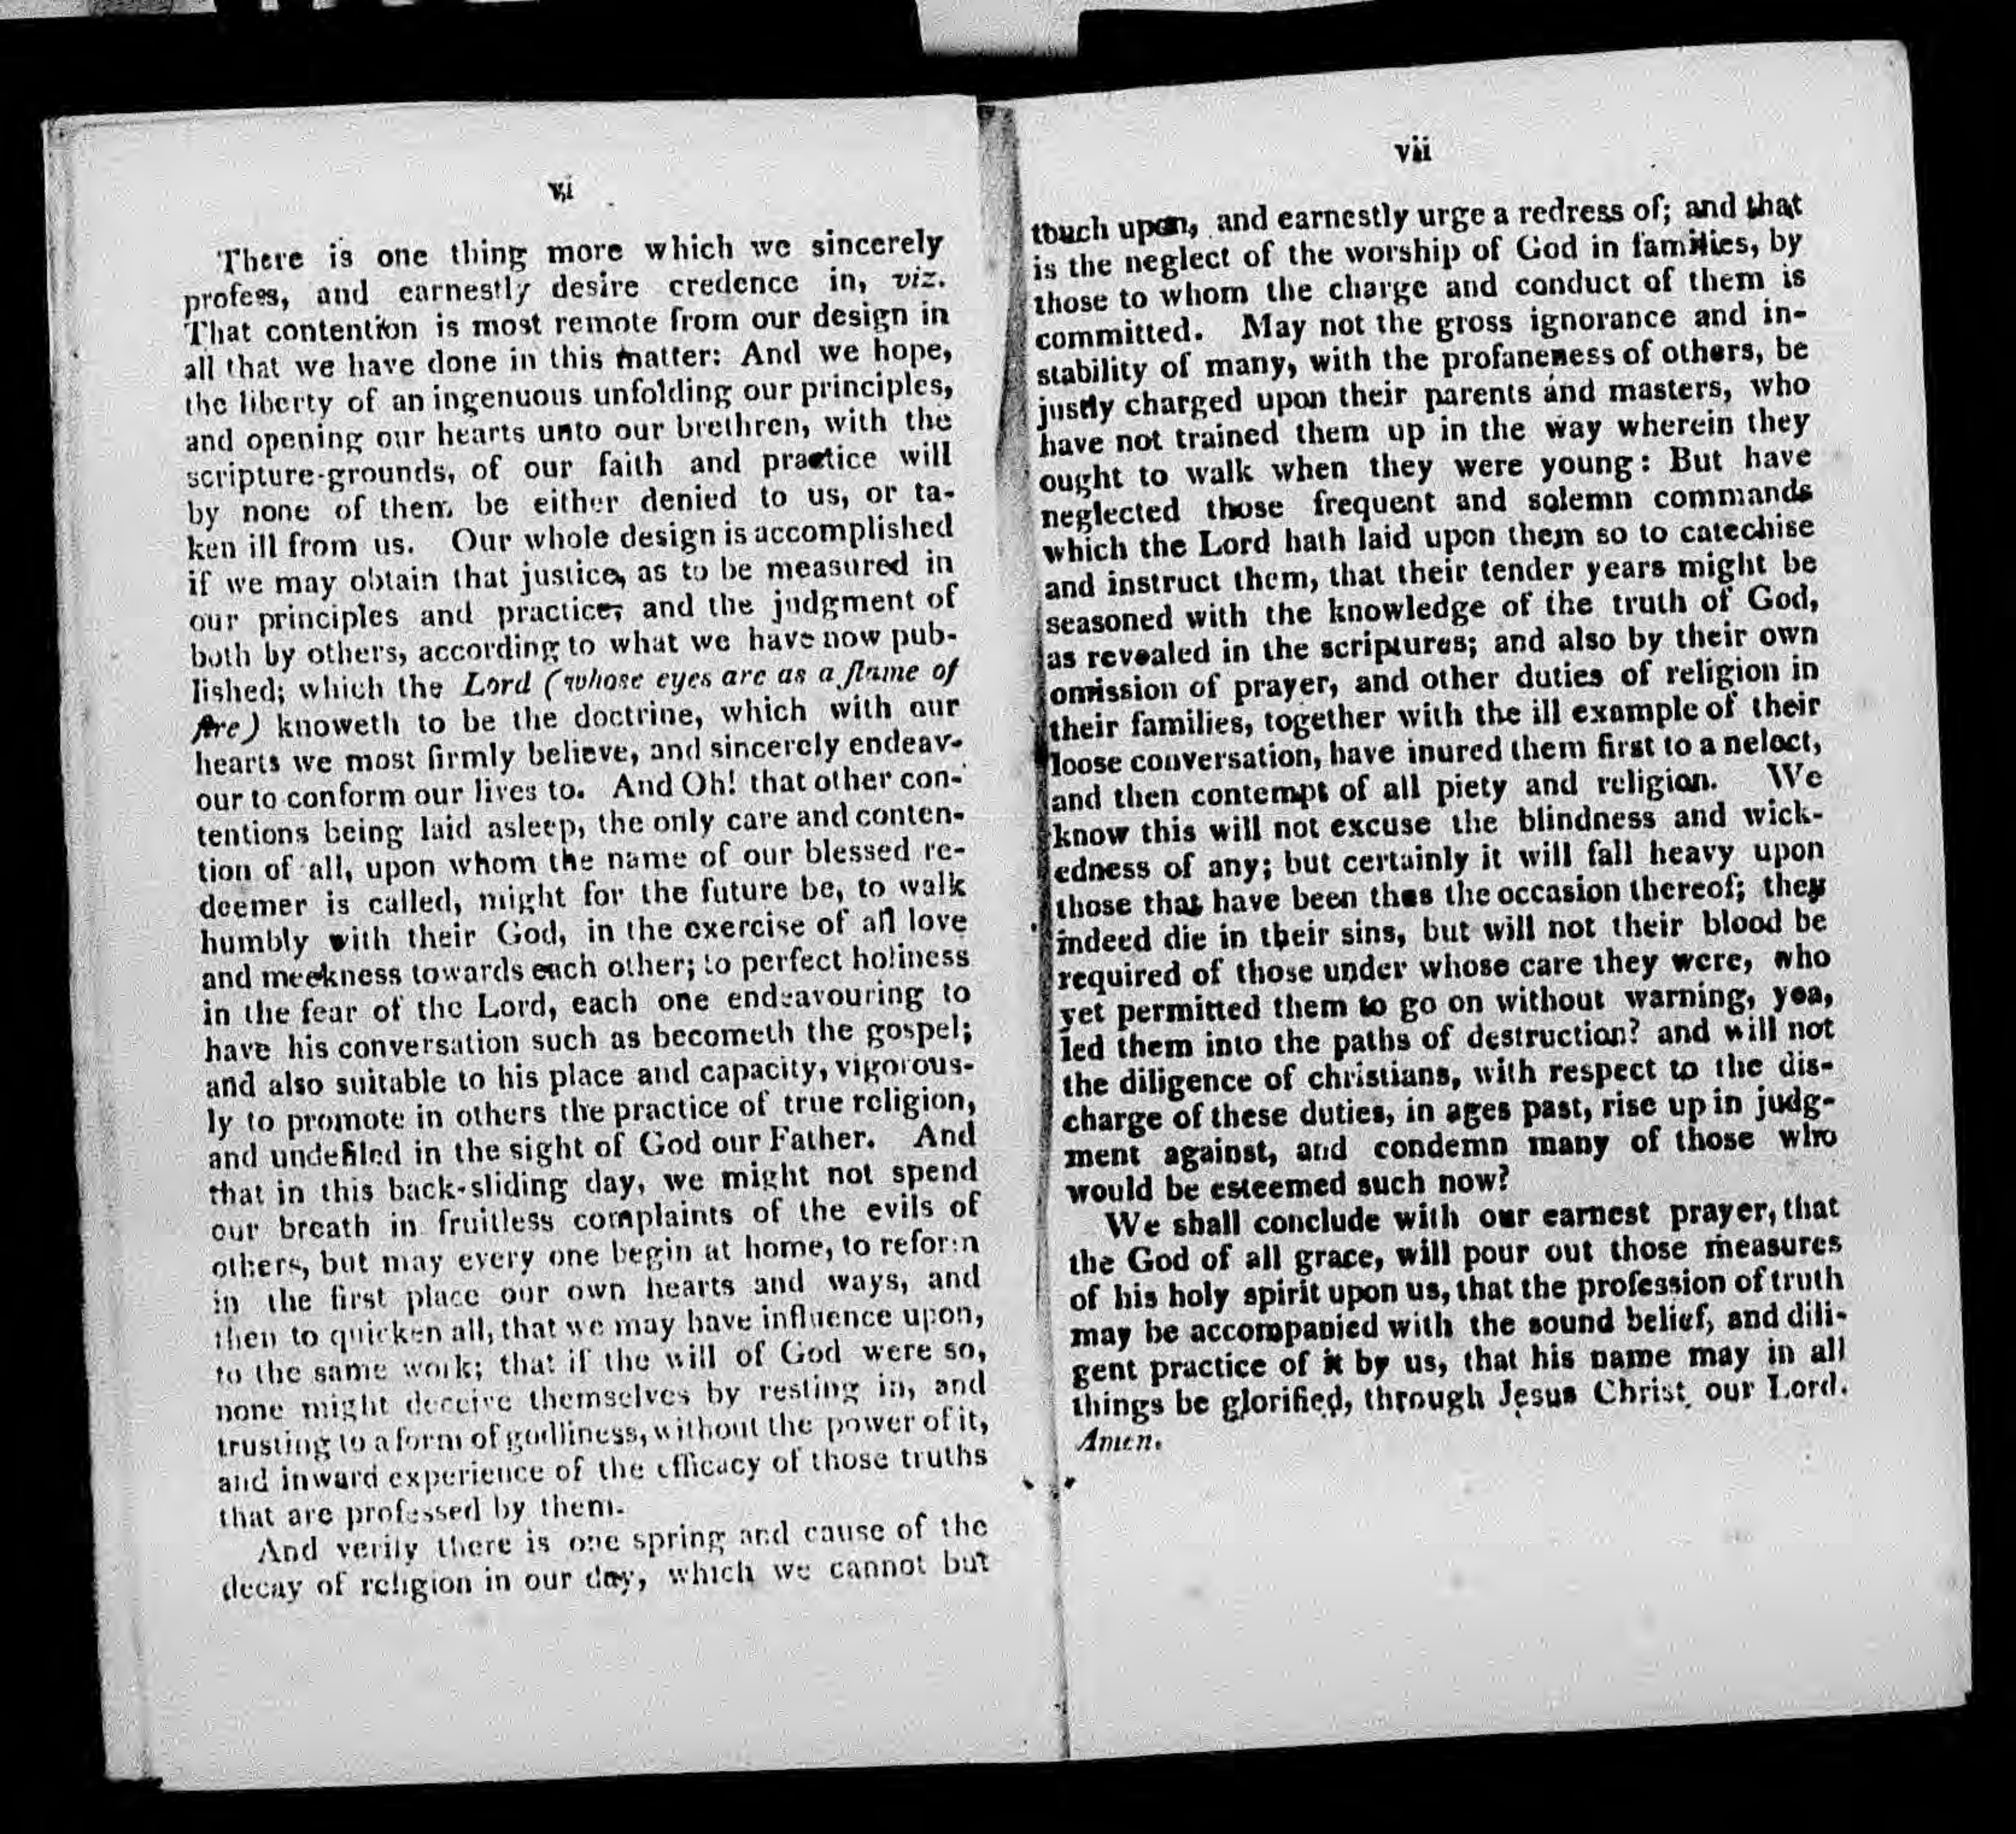Vi
There is one thing more which we sincerely
profess, and earnestly desire credence in, viz.
That contention is most remote from our design in
all that we have done in this matter: And we hope,
the liberty of an ingenuous unfolding our principles,
and opening our hearts unto our brethren, with the
scripture-grounds, of our faith and practice will
by none of them be either denied to us, or taken
ill from us. Our whole design is accomplished
if we may obtain that justice, as to be measured in
our principles and practice, and the judgment of
both by others, according to what we have now published, 
which the Lord (whose eyes are as a same of
Are) knoweth to be the doctrine, which with our
hearts we most firmly believe, and sincerely endeavour
to conform our lives to. And Oh! that other contentions
being laid asleep, the only care and contention
of all, upon whom the name of our blessed redeemer
is called, might for the future be, to walk
humbly with their God, in the exercise of all love
and meekness towards each other; to perfect holiness
in the fear of the Lord, each one endeavouring to
have his conversation such as becometh the gospel;
and also suitable to his place and capacity, vigorously
to promote in others the practice of true religion,
and undefiled in the sight of God our Father. And
that in this backsliding day, we might not spend
our breath in fruitless complaints of the evils of
others, but may every one begin at home, to reform
in the first place our own hearts and ways, and
then to quicken all, that we may have influence upon,
to the same work; that if the will of God were so,
none might deceive themselves by resting in, and
trusting to a form of godliness, without the power of it,
and inward experience of the efficacy of those truths
that are professed by them.

And verily there is one spring and cause of the
decay of religion in our day, which we cannot but


vii
touch upon, and earnestly urge a redress of; and that
is the neglect of the worship of God in families, by
those to whom the charge and conduct of them is
committed. May not the gross ignorance and in
stability of many, with the profaneness of others, be
justly charged upon their parents and masters, who
have not trained them up in the way wherein they
ought to walk when they were young: But have
neglected those frequent and solemn commands
which the Lord hath laid upon them so to catechise
and instruct them, that their tender years might be
seasoned with the knowledge of the truth of God,
as revealed in the scriptures; and also by their own
omission of prayer, and other duties of religion in
their families, together with the ill example of their
loose conversation, have inured them first to a nelect,
and then contempt of all piety and religion. We
know this will not excuse the blindness and wickedness
of any; but certainly it will fall heavy upon
those that have been thus the occasion thereof; they
indeed die in their sins, but will not their blood be
required of those under whose care they were, who
yet permitted them to go on without warning, yea,
led them into the paths of destruction? and will not
the diligence of christians, with respect to the discharge
of these duties in ages past, rise up in judgment
against, and condemn many of those who
would be esteemed such now?

We shall conclude with our earnest prayer, that the
God of all grace, will pour out those measures
of his holy spirit upon us, that the profession of truth
may be accompanied with the sound belief, and diligent
practice of it by us, that his name may in all
things be glorified, through Jesus Christ our Lord.
Amen.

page: 16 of 98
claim: widow's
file: W. 8398, William Broadway, S.C.